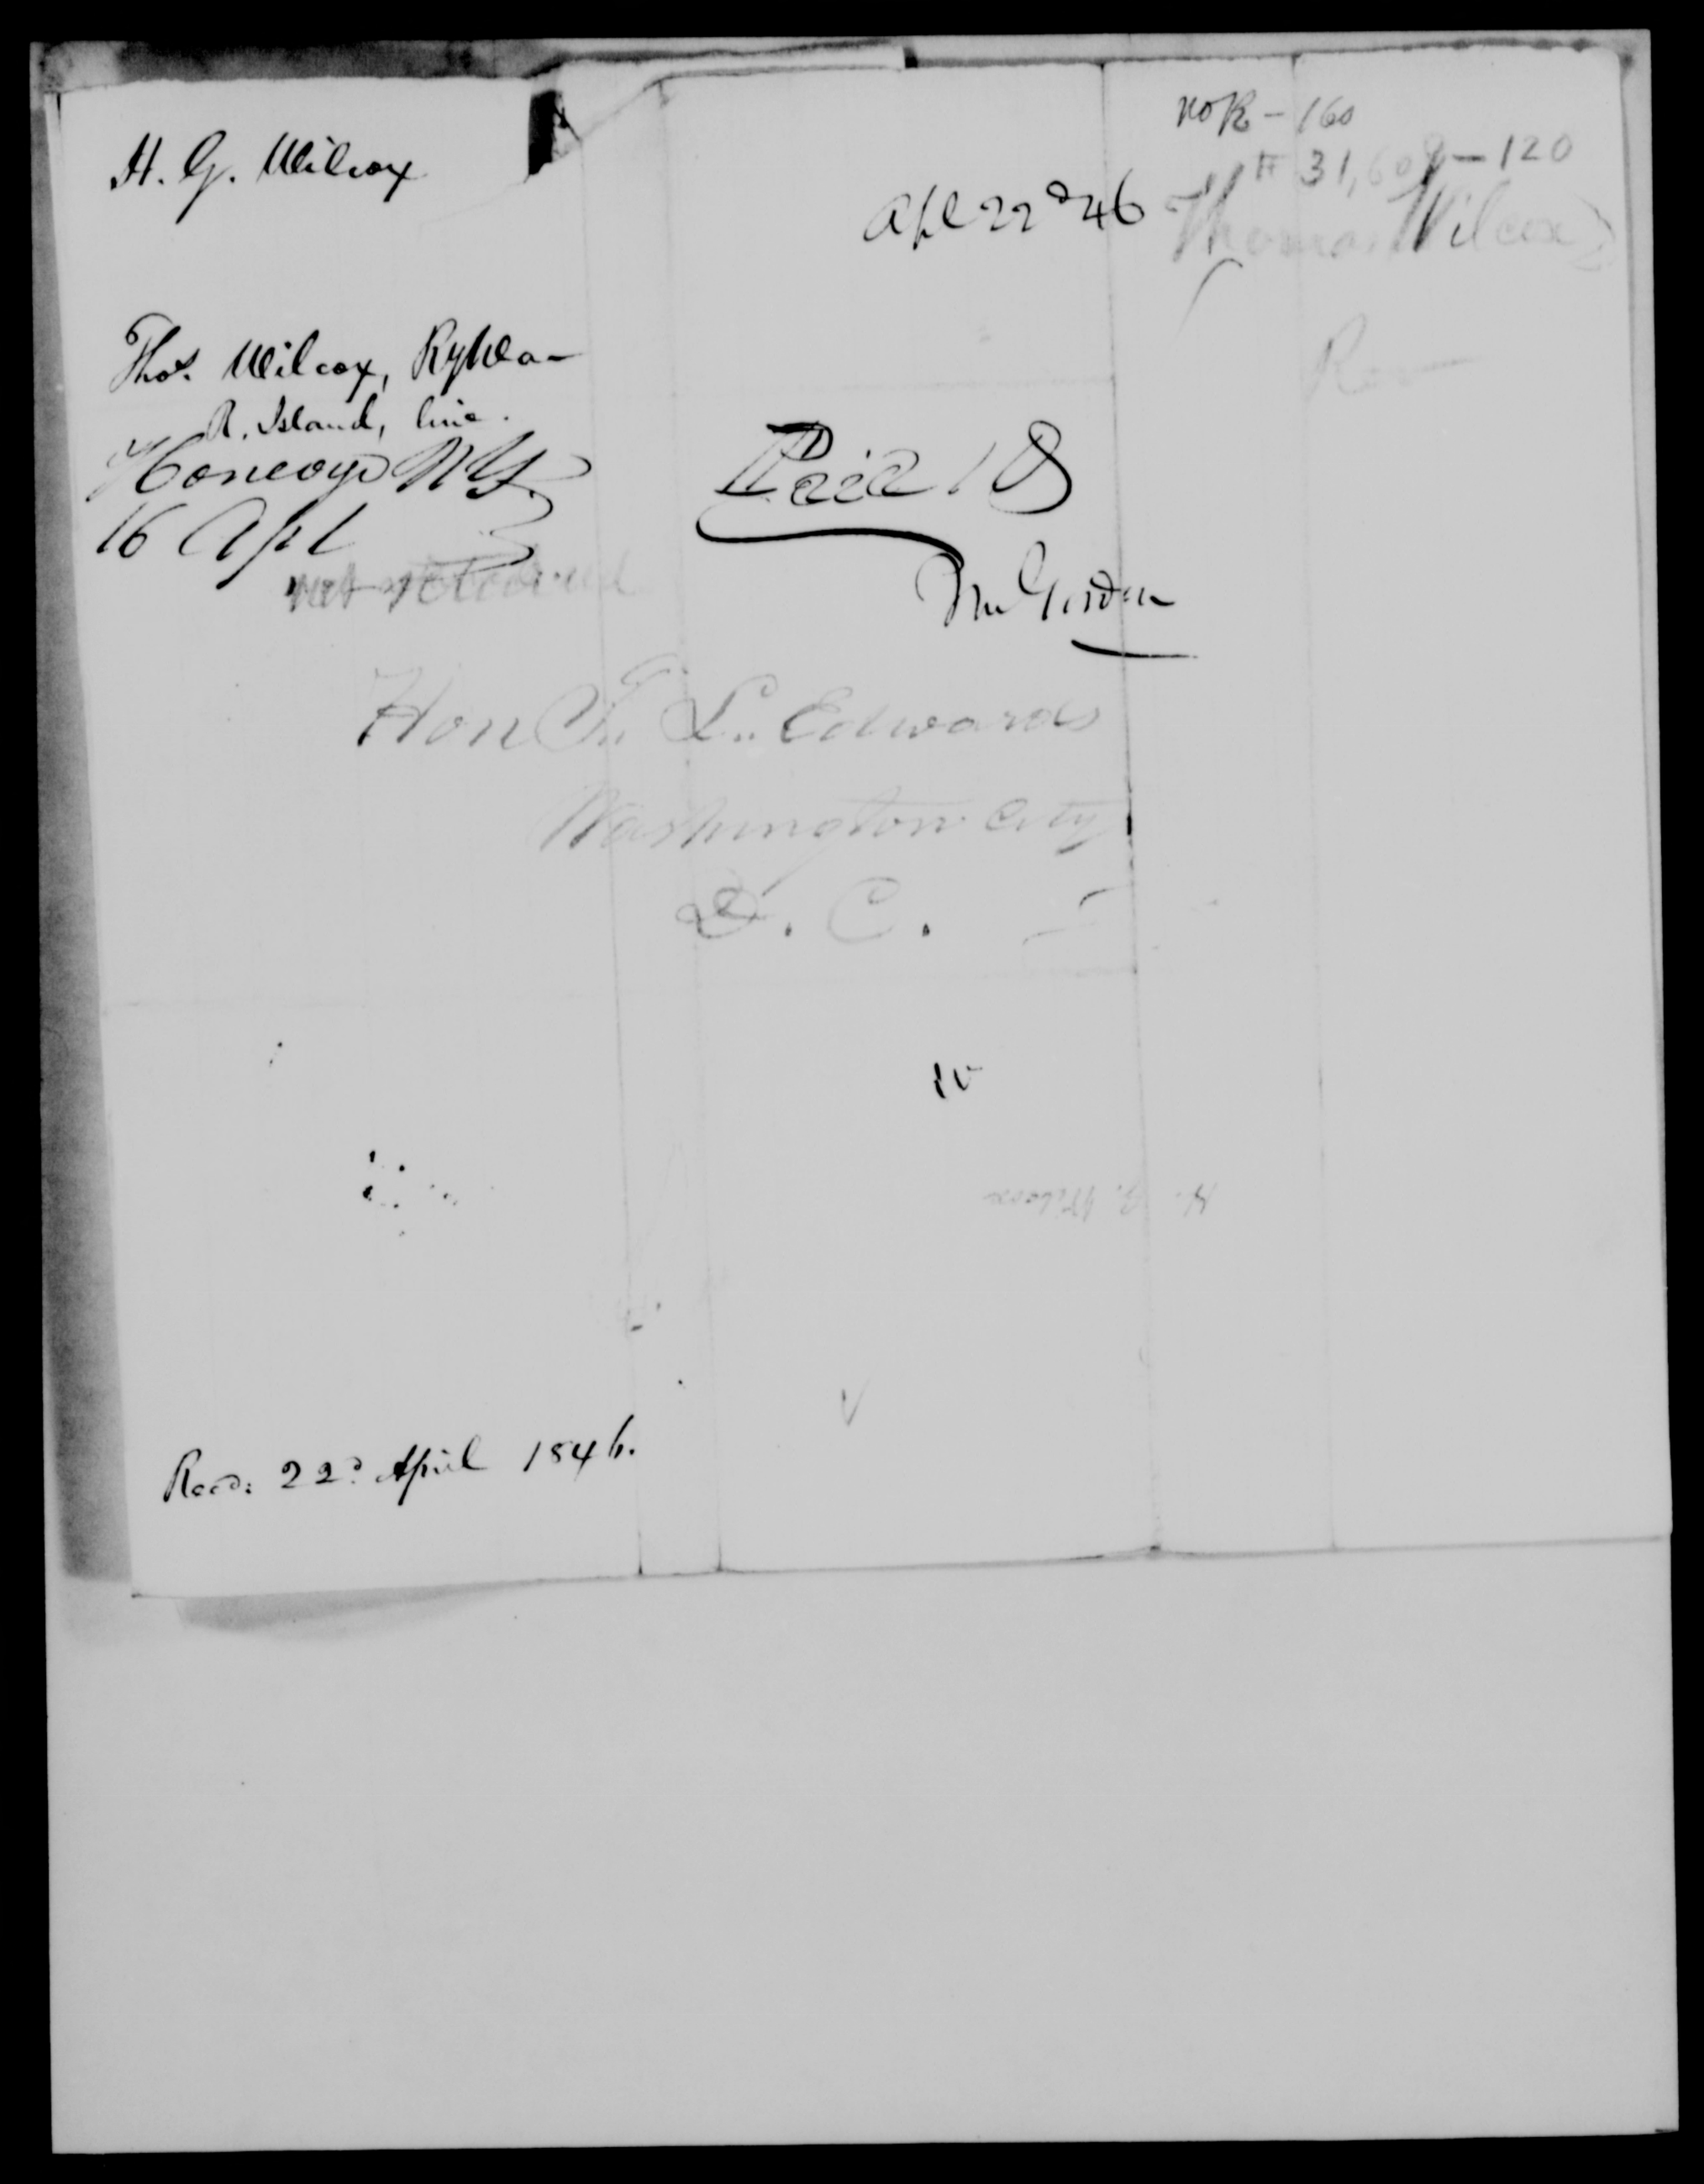H. G. Wilcox
Thos Wilcox,  [illegible]
 of R. Island, line.
[illegible] NY
16 Apl
Paid 1D
NuGordon

Hon S.L. Edwards
Washington City
D.C.
Recd. 22d April 1846.

No. 160

#31,609-120
Apl 22nd 46
Thomas Wilcox
Review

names: Thomas Wilcox, Gordon, H G Wilcox, J L Edwards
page: 33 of 39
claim: widow's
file: W. 26046, Thomas Willcox, R.I.